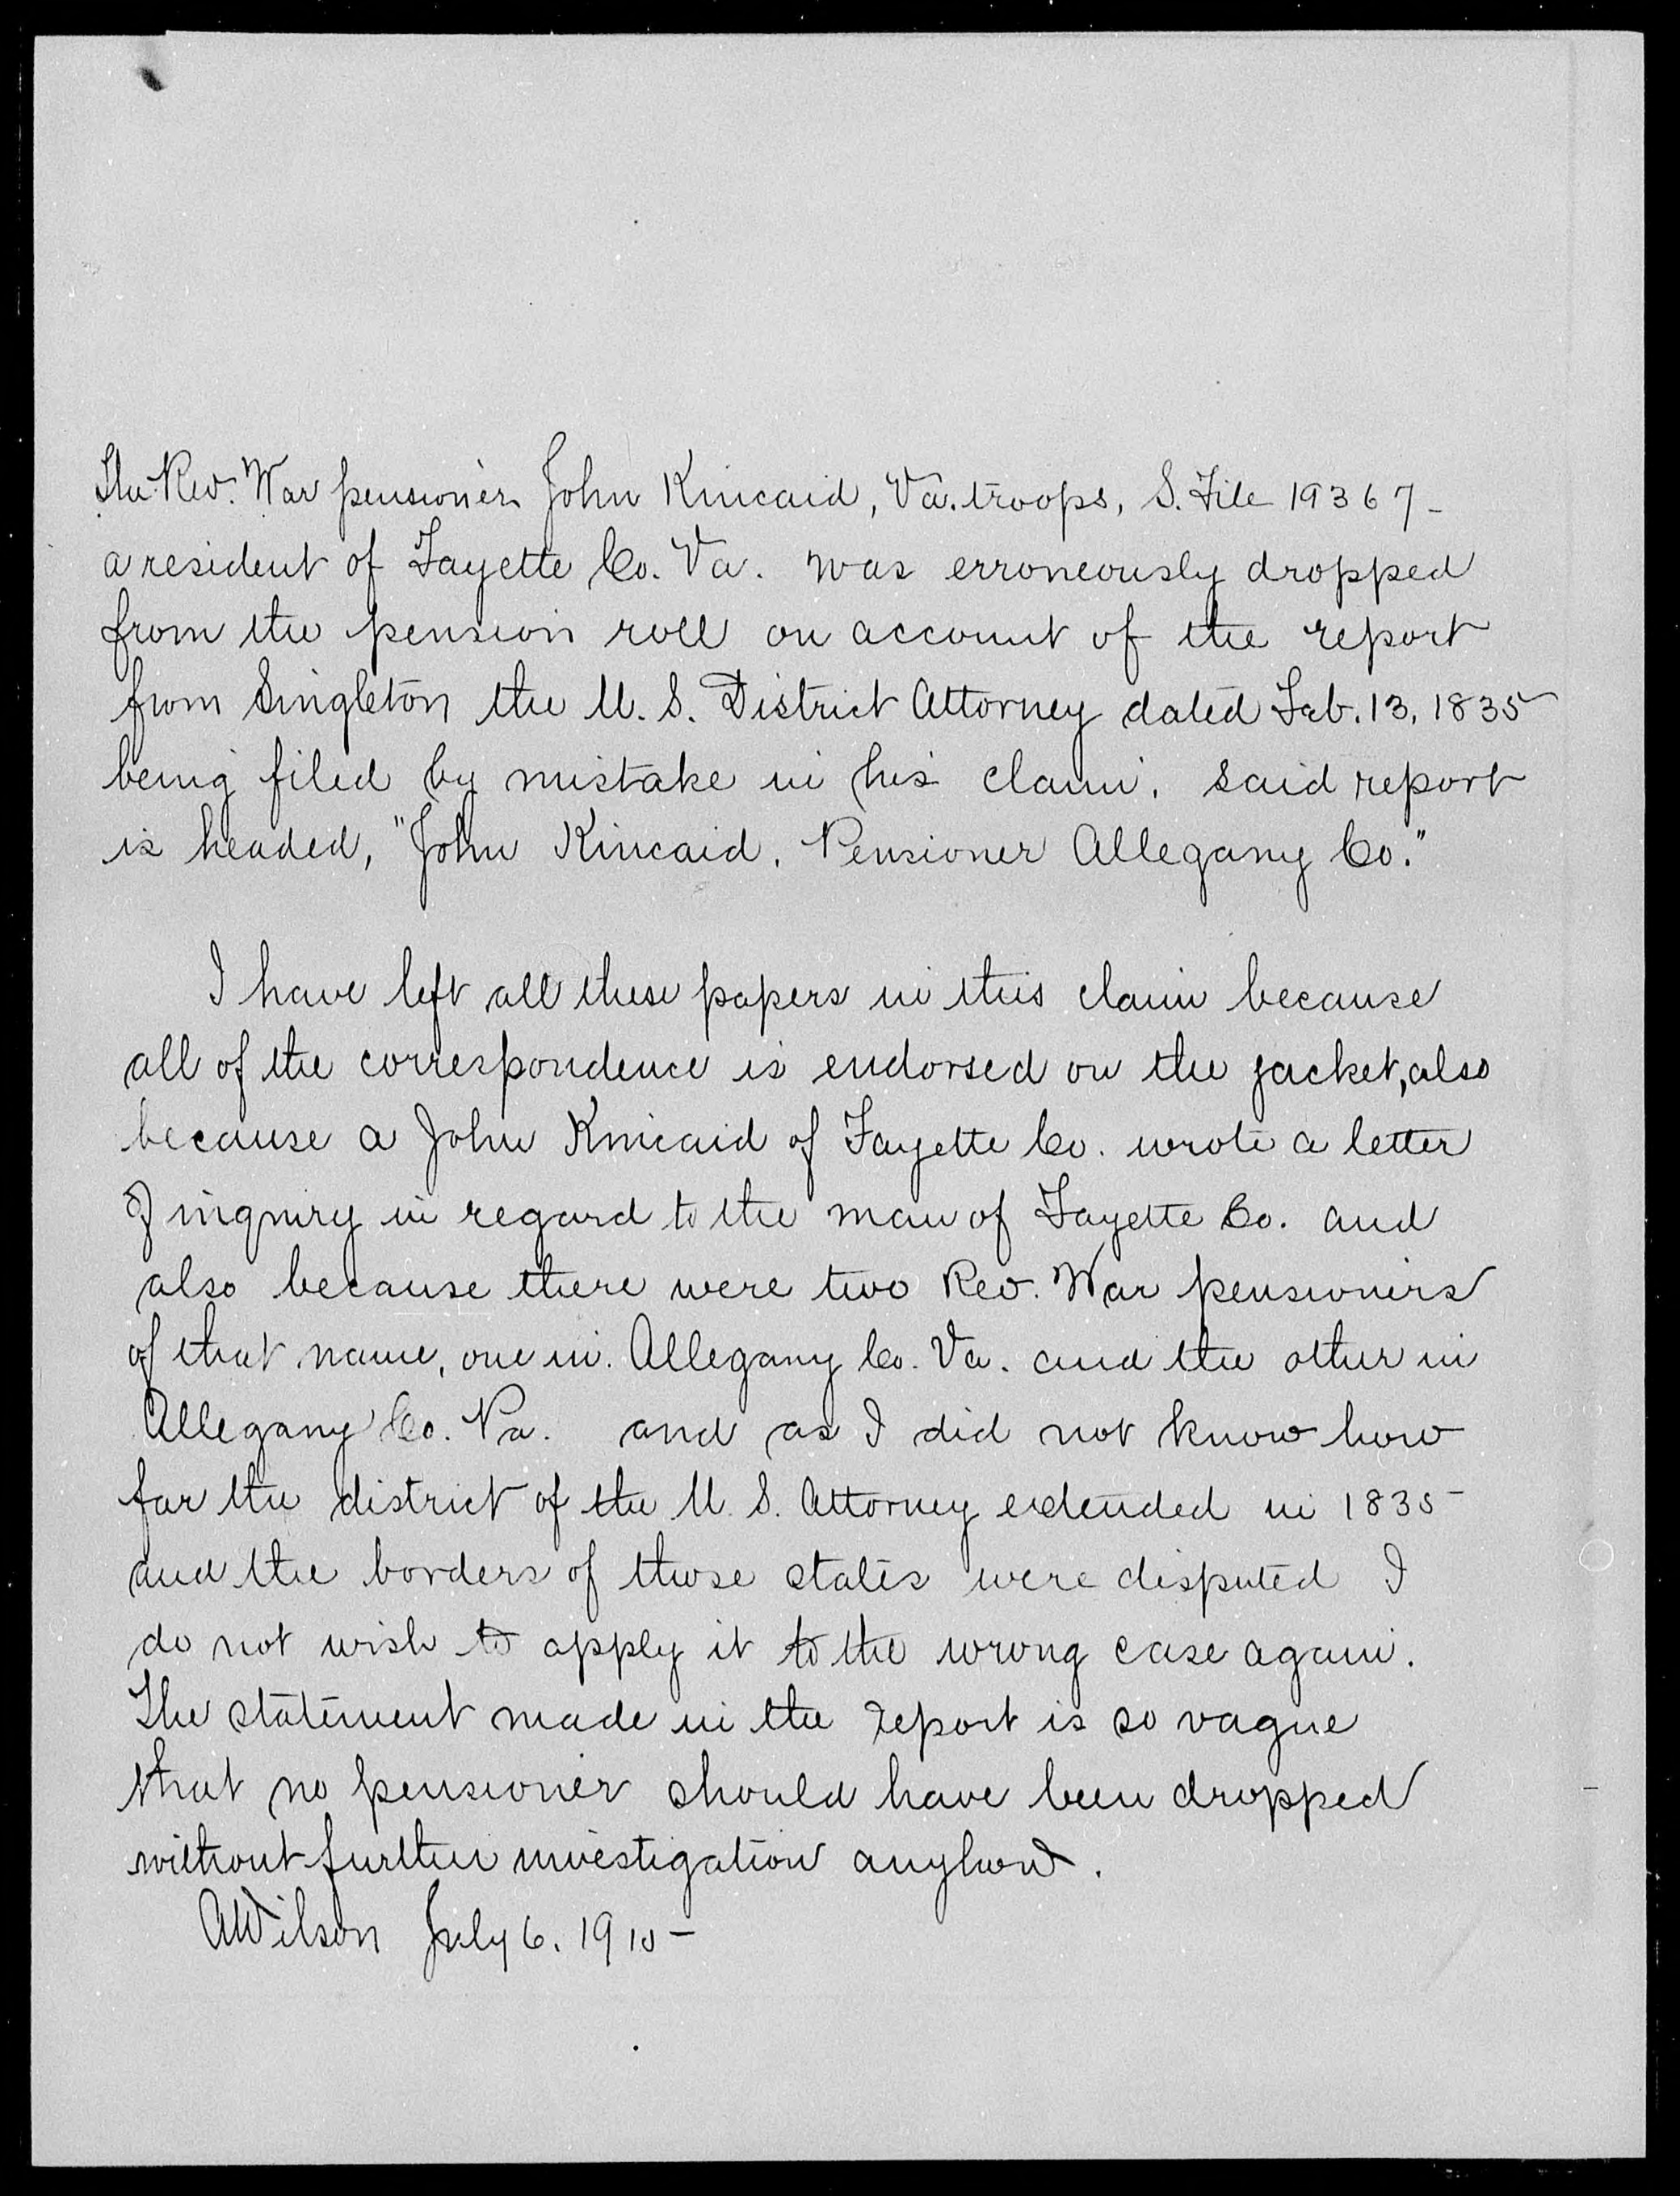The Rev. War pensioner John Kincaid, Va. Troops, S File 19367 - a resident of Fayette Co., Va. was erroneously dropped from the pension roll on account of the report from Singleton the U.S. District Attorney dated Feb. 13, 1835 being filed by mistake in his claim, said report is headed, "John Kincaid, Pensioner Allegany Co."

I have left all these papers in this claim because all of the correspondence is endorsed on the jacket, also because a John Kincaid of Fayette Co. wrote a letter of inquiry in regard to the man of Fayette Co. and also because there were two Rev. War pensioners of that name, one in Allegany Co. Va, and the other in Allegany Co. Pa.  and as I did not know how far the district of the U.S. Attorney extended in 1835 and the borders of those states were disputed.  I do not wish to apply it to the wrong case again.
The statement made in the report is so vague that no pensioner should have been dropped without further investigation anyhow.

Wilson July 6, 1915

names: John Kincaid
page: 8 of 33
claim: survivor's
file: S. 19367, for John Kincaid, Virginia